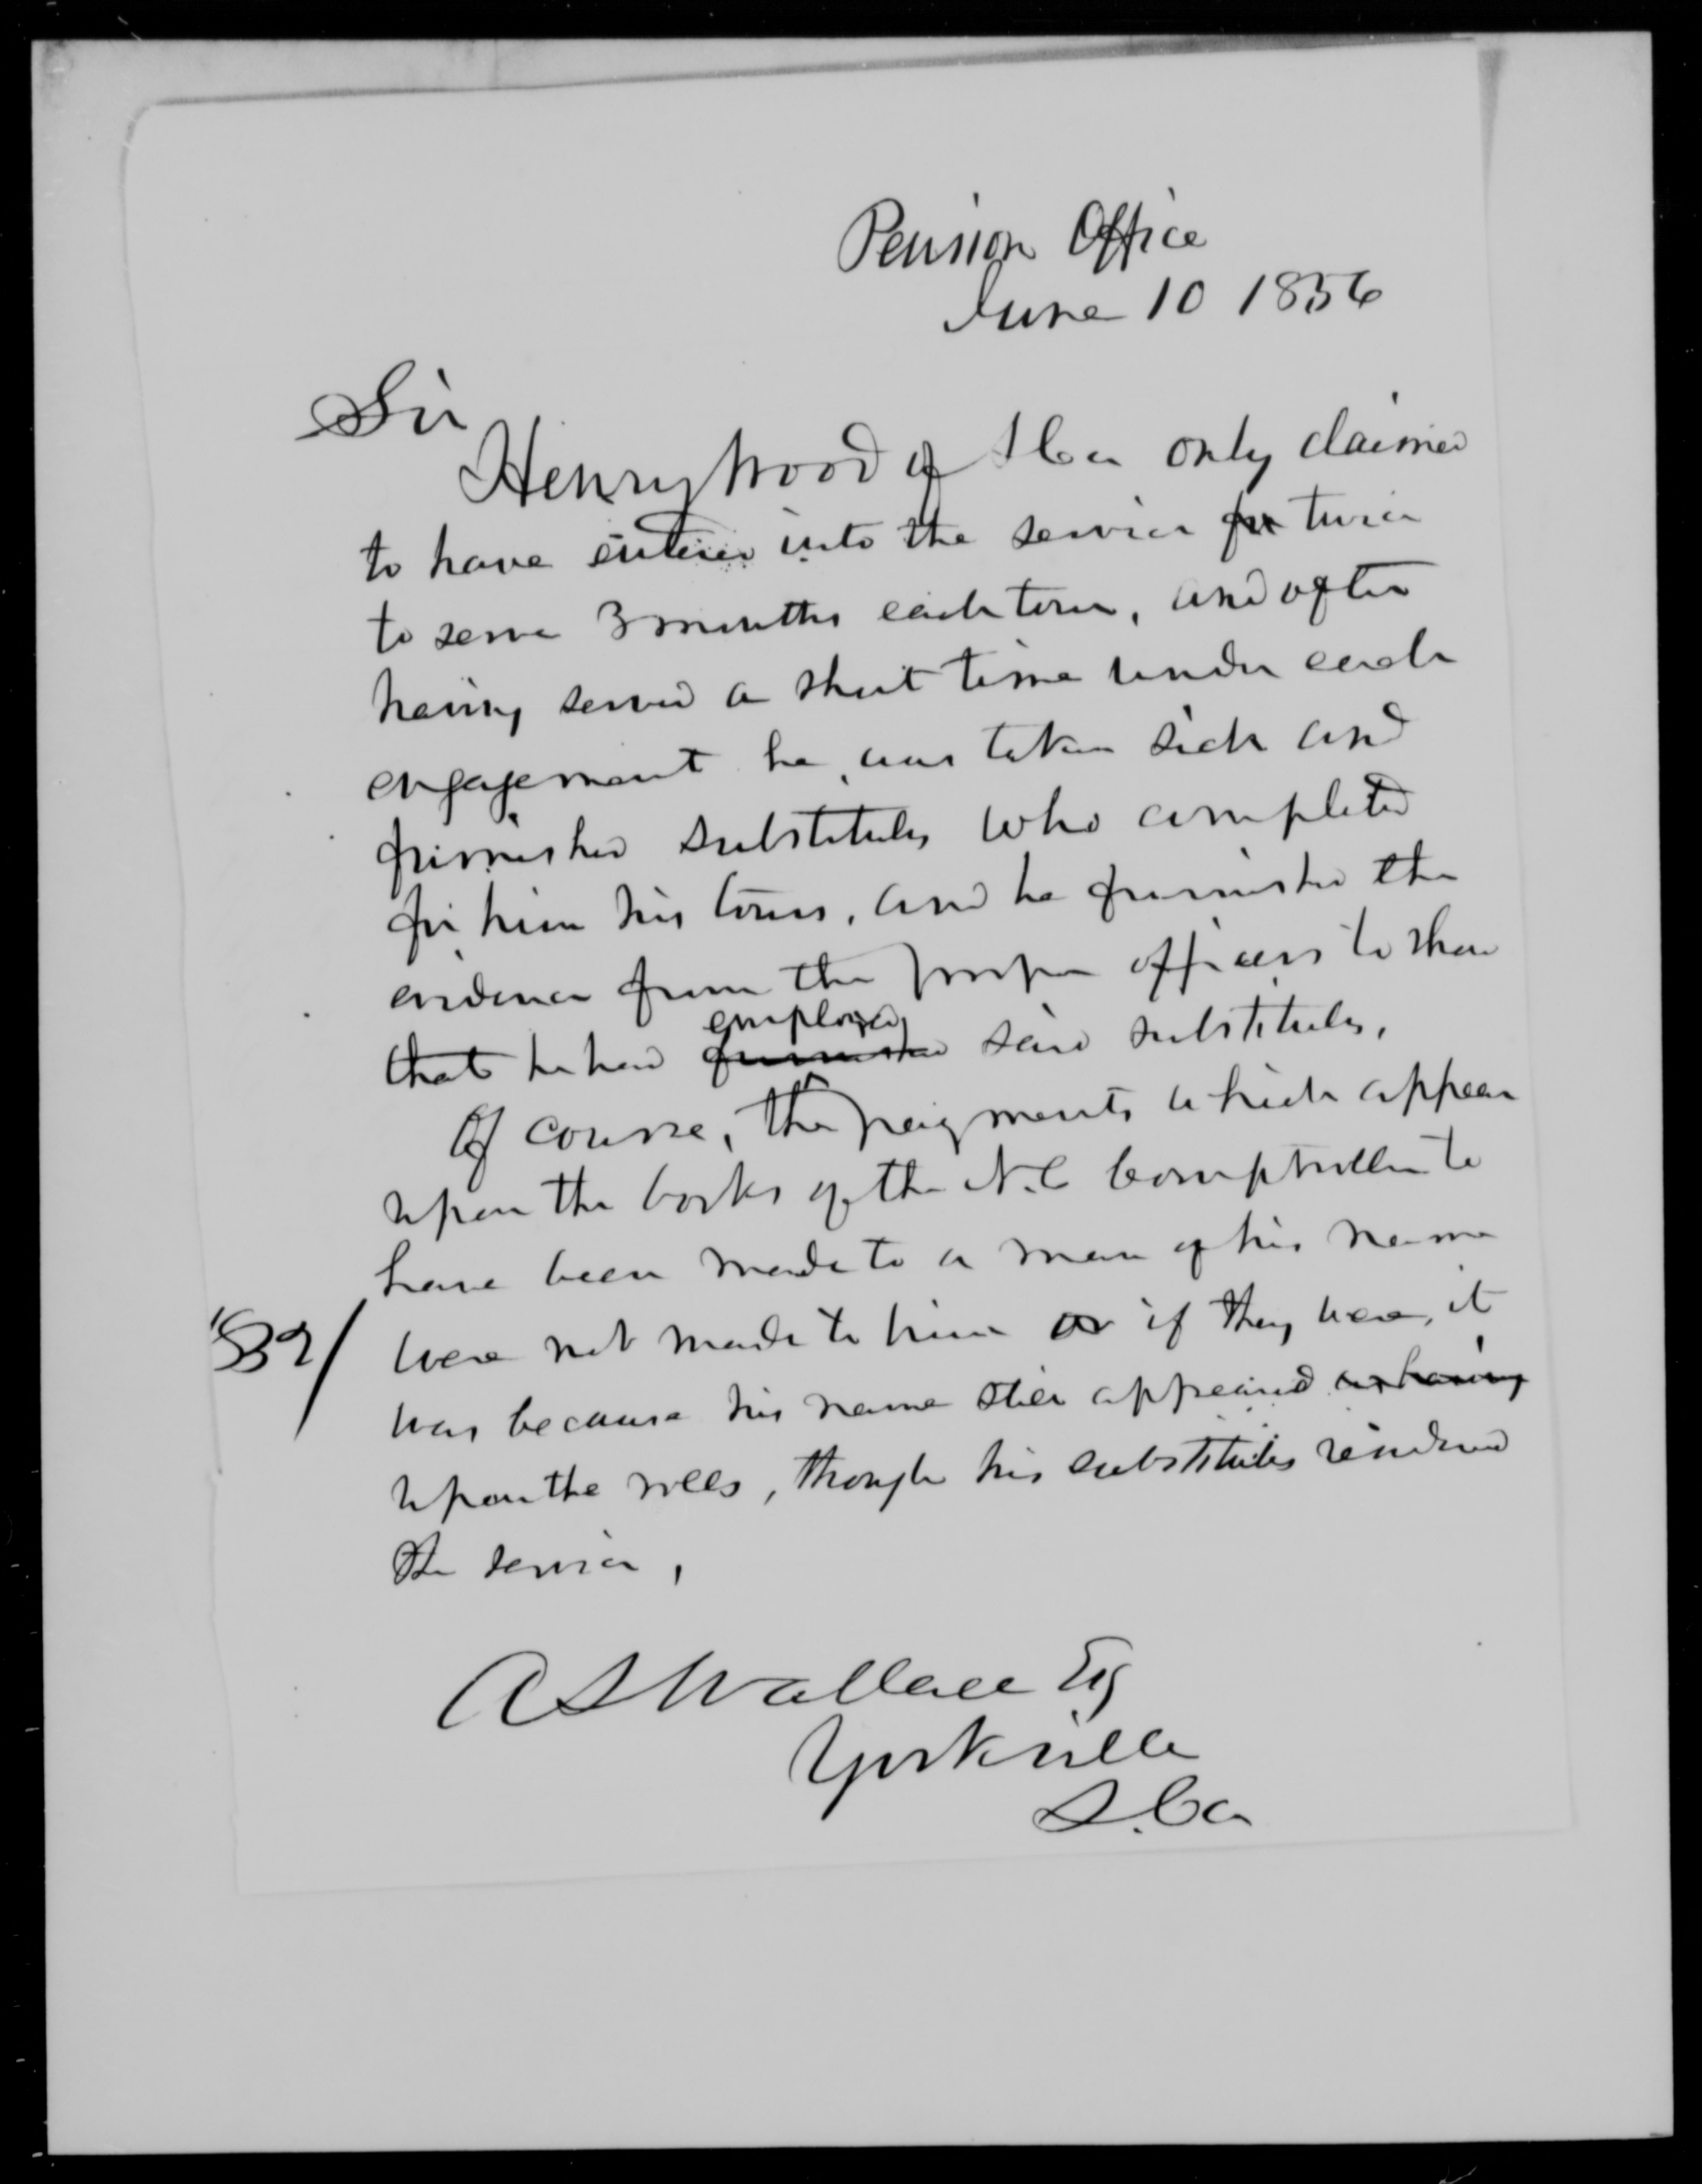Pension Office  June 10 1856
Sir
Henry Wood of SC. only claims to have entered into the service twice to serve 3 months each tour, and after having served a short time under each engagement he was taken sick and firnished substitutes who completed for him his tours, and he furnished the evidence from the former officers to show that he had employed said substitutes.
Of course, the payments which appear upon the books of the N.C. comptroller to have been made to a man of his name ere not made to him if they were, it was because his name still appeared upon the rolls, though his substitutes rendered the service.
ASWallace Esq Yorkville S.Ca.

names: A S Wallace, Henry Wood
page: 29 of 40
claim: rejected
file: R. 11785, Henry Wood, N. C.